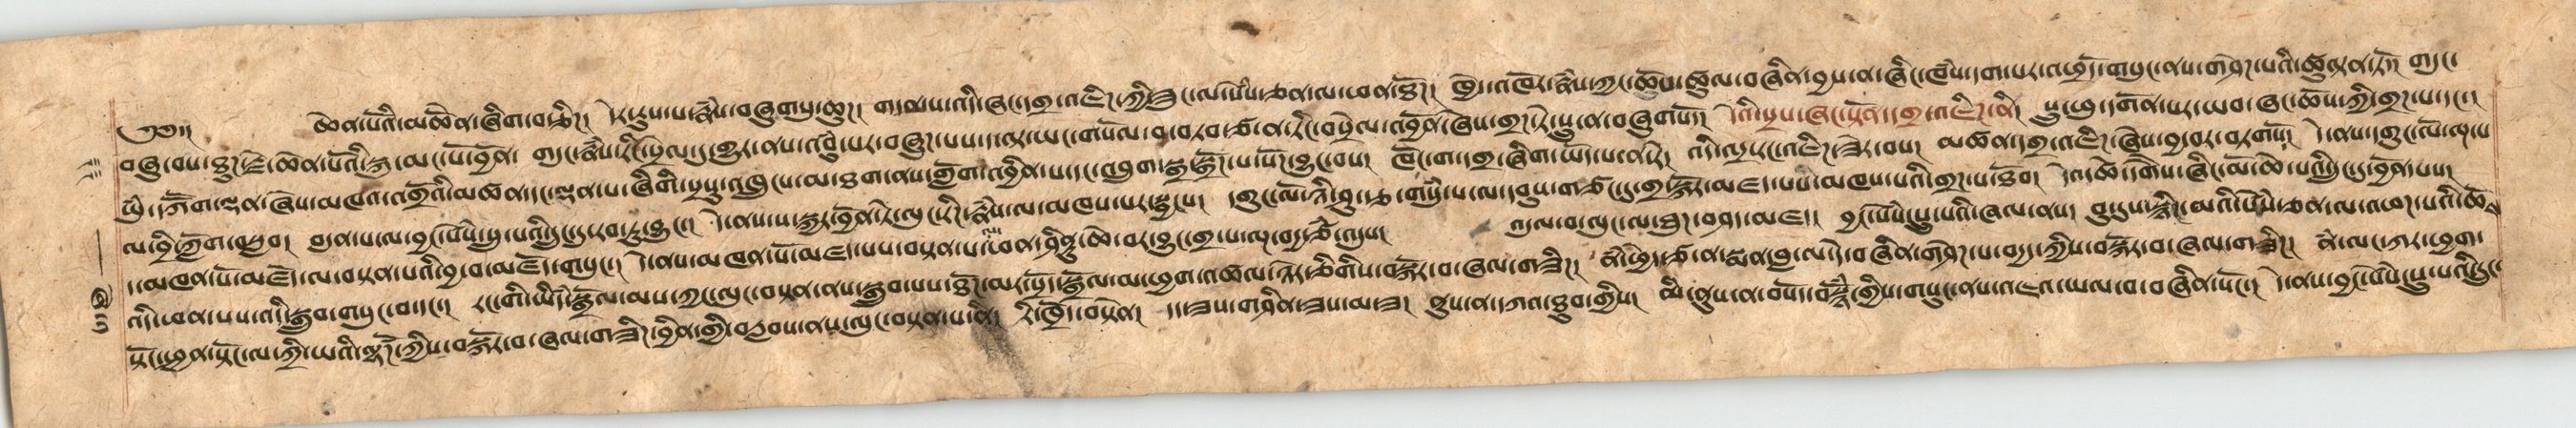༄༅་། ཆེན་པོའི་མཆོནེ་ཞིག་བརྩིཌ། དེར་རུས་པ་རྣཾས་བཞུགསུ་ཆུཌ། གདན་ས་འདི་ཞང་དགྲ་འཇིཌ་ཀྱི་ཟུང་ལ་སེཾས་ཅན་ལ་ཕན་ཐོཌ། ཁྱེད་འཁོར་རྣཾས་ཀྱང་ཆོས་ཚུལ་བཞིན་བྱས་ན་ཞིང་ཁཾས་དག་པར་འཕྲདོ་གསུང་ནས་གཤེཌ་པའི་ཚུལྟན་ཏོ་། གདུང་
བཞུ་བས་ཐུཌ་རྗེ་ཆེན་པོའི་སྐུ་མང་པོ་བྱོན་ གདུང་རྣཾས་རིང་སྲེལ་དུ་གྱུར་ནས་འབུཾ་པར་བཞུཌ་པས་ད་ལྟ་ཡང་གསོལ་བ་བཏབ་ཙ་ན་རིང་བསྲེལ་འབྱོན་ཞེས་གྲཌ་ཏེ་སྲུ་ན་བཞུགསོ་། དེའི་སྲས་ཞང་སྟོན་དགྲ་འཇིཌ་ནི། སྲུ་ཕུ་དགོན་པར་ཡབ་ཞང་ཆོས་ཀྱི་གྲཌ་པ་དང་།
ཡུཾ་དཀཽག་ལྡན་ཞེས་མཁའ་འགྲོའི་མཚན་དང་ལྡན་པ་ཞིགི་སྲསུ་འཁྲུངས་མ་ཐག་ནས་གློག་འབྱིན་པ་དང་འབྲུག་སྒྲ་སྒྲོཌ་པ་སོཌ་བྱུང་བས། ཁོང་ག་དགྲ་ཞིག་ཡོད་པ་ན་རེ། འདི་འདྲ་རང་འཇིཌ་ཟེར་བས། མཚན་དགྲ་འཇིཌ་ཞེས་བྱ་བར་བཏགསོ། དེ་ནས་དགུང་ལོ་ལྔ་པ
ལ་བྲི་ཀློག་བསླབ། བདུན་པ་ལ་བྱང་སེཾས་སྲུ་པའི་དྲུང་དུ་རབ་ཏུ་བྱུང་། དེ་ནས་ས་སྐྱར་བྱོན་ཏེ་ལུང་རིཌ་རྣཾས་ལ་མཁས་པར་སྦྱངས། དགུང་ལོ་ཉི་ཤུ་རྩ་གསུཾ་པ་ལ་དབུས་གཙང་དུ་གྲ་སྐོར་མཛད་པས་མཁས་པའི་གྲཌ་པ་ཐོབ། དེའ་ཚེ་དགཻས་ཞིང་མོ་ཆེ་པའི་དྲུང་དུ་བྱོན་པས།
ད་མཁན་པོ་མཛོད་ལ་བསྟན་པའི་བྱ་བ་མཛོད་གསུངས། དེ་ནས་མཁན་པོ་མཛད་པས་བསྟན་པ་ལ་ཕན་ཤིནུ་ཆེ་བར་བྱུང་གྲ་པ་ལྔ་བདྱ་ཙཾ་འདུས། འདུལ་བ་ལུང་ལ་ཐུཌ་བཤད་མཛད། བྱང་སེཾས་སྲུ་པའི་ཞལ་ནས། བུ་དུས་སྙིཌ་མའི་སེཾས་ཅན་ལ་འཕཌ་པའི་ཆོས
འདི་ཕན་པས་འདི་སྒྲུབ་གསུང་བ་དང་། རང་གི་ཡིདཾ་སྒྲོལ་མས་ཀྱང་ལུང་བསྟན་ནས་སྒྲུབ་པས་ཐོཌ་མར་སྲོད་སྒྲོལ་མ་ཕྱག་འཚལ་ཉེར་ཅིགིས་བསྐོར་བ་ཞལ་གཟིཌ། ནཾ་ཕྱེད་ཙ་ན་སྨན་བླ་ལ་དེ་བཞིན་གཤེཌ་པ་བདྱད་ཀྱིས་བསྐོར་བ་ཞལ་གཟིཌ། ནཾ་ལང་ཀར་ཕྱག་
སྟོང་སྤྱན་སྟོང་ལ་ཀྲི་ཡའི་ལྷཚོཌ་ཀྱིས་བསྐོར་བ་ཞལ་གཟིཌ་བྱིན་གྱི་བརླབས་ནས་ལུང་བསྟན་པ་ནི། རི་ཁྲོད་བསྟེན། དད་ཟས་གཤིན་ཟས་མ་ཟ། ནུས་ན་དཀའ་ཐུབ་གྱིས། མི་ནུས་ན་བསོད་བསྙོཾ་གྱིས་གསུང་ནས་འཇའ་ཡལ་བ་བཞིན་སོང་། དེ་ནས་བྱང་སེཾས་སྲུ་པའི་དྲུང་